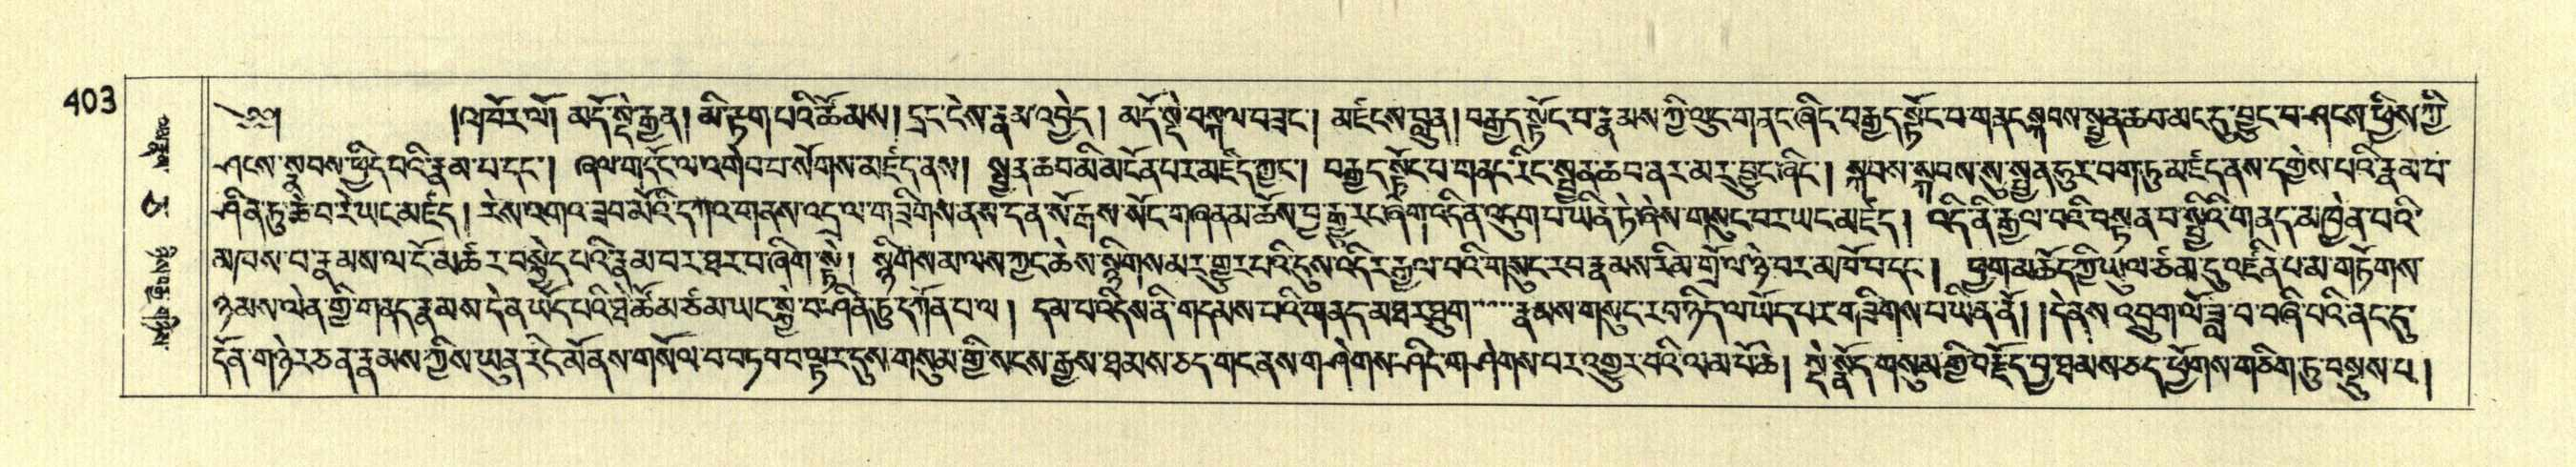༄༅། །འཁོར་ལོ། མདོ་སྡེ་རྒྱན། མི་རྟག་པའི་ཚོམས། དྲང་ངེས་རྣམ་འབྱེད། མདོ་སྡེ་བསྐལ་བཟང་། མཛངས་བླུན། བརྒྱད་སྟོང་བ་རྣམས་ཀྱི་ལུང་གནང་ཞིང་བརྒྱད་སྟོང་བ་གནང་སྐབས་སྤྱན་ཆབ་མང་དུ་བྱུང་བ་ཤངས་ཕྱིས་ཀྱི་
ཤངས་སྣབས་ཕྱིད་པའི་རྣམ་པ་དང་། ཞལ་གདོང་ལ་འགེབ་པ་སོགས་མཛད་ནས། སྤྱན་ཆབ་མི་མངོན་པར་མཛད་ཀྱང་། བརྒྱད་སྟོང་པ་གནང་རིང་སྤྱན་ཆབ་ནར་མར་བྱུང་ཞིང་། སྐབས་སྐབས་སུ་སྤྱན་ཧུར་བག་ཏུ་མཛད་ནས་དགྱེས་པའི་རྣམ་པ་
ཤིན་ཏུ་ཆེ་བ་རེ་ཡང་མཛད། རེས་འགའ་ཟབ་མོའི་དཀའ་གནས་འདྲ་ལ་གཟིགས་ནས་དན་སོ་རྒས་སོང་གཞན་མ་ཆོས་བྱ་རྒྱུ་རང་ཞིག་འདི་ན་འདུག་པ་ཡིན་ཏེ་ཞེས་གསུང་བར་ཡང་མཛད། འདི་ནི་རྒྱལ་བའི་བསྟན་བ་སྤྱིའི་གནད་མཁྱེན་པའི་
མཁས་བ་རྣམས་ལ་ངོ་མཚར་བསྐྱེད་པའི་རྣམ་བར་ཐར་བ་ཞིག་སྟེ། སྙིགས་མ་ལས་ཀྱང་ཆེས་སྙིགས་མར་གྱུར་པའི་དུས་འདིར་རྒྱལ་བའི་གསུང་རབ་རྣམས་རིམ་གྲོ་ལ་ཉེ་བར་མཁོ་བ་དང་། ཕྱག་མཆོད་ཀྱི་ཡུལ་ཙམ་དུ་འཛིན་པ་མ་གཏོགས་
ཉམས་ལེན་གྱི་གནད་རྣམས་དེ་ན་ཡོད་པའི་ཐེ་ཚོམ་ཙམ་ཡང་སྐྱེ་བ་ཤིན་ཏུ་དཀོན་པ་ལ། དམ་པ་འདིས་ནི་གདམས་པའི་གནད་མཐར་ཐུག་རྣམས་གསུང་རབ་ཉིད་ལ་ཡོད་པར་གཟིགས་པ་ཡིན་ནོ། །དེ་ནས་འབྲུག་ལོ་ཟླ་བ་བཞི་པའི་ནང་དུ་
དོན་གཉེར་ཅན་རྣམས་ཀྱིས་ཡུན་རིང་མོ་ནས་གསོལ་བ་བཏབ་བ་ལྟར་དུས་གསུམ་གྱི་སངས་རྒྱས་ཐམས་ཅད་གང་ནས་གཤེགས་ཤིང་གཤེགས་པར་འགྱུར་བའི་ལམ་པོ་ཆེ། སྡེ་སྣོད་གསུམ་གྱི་བརྗོད་བྱ་ཐམས་ཅད་ཕྱོགས་གཅིག་ཏུ་བསྡུས་པ།